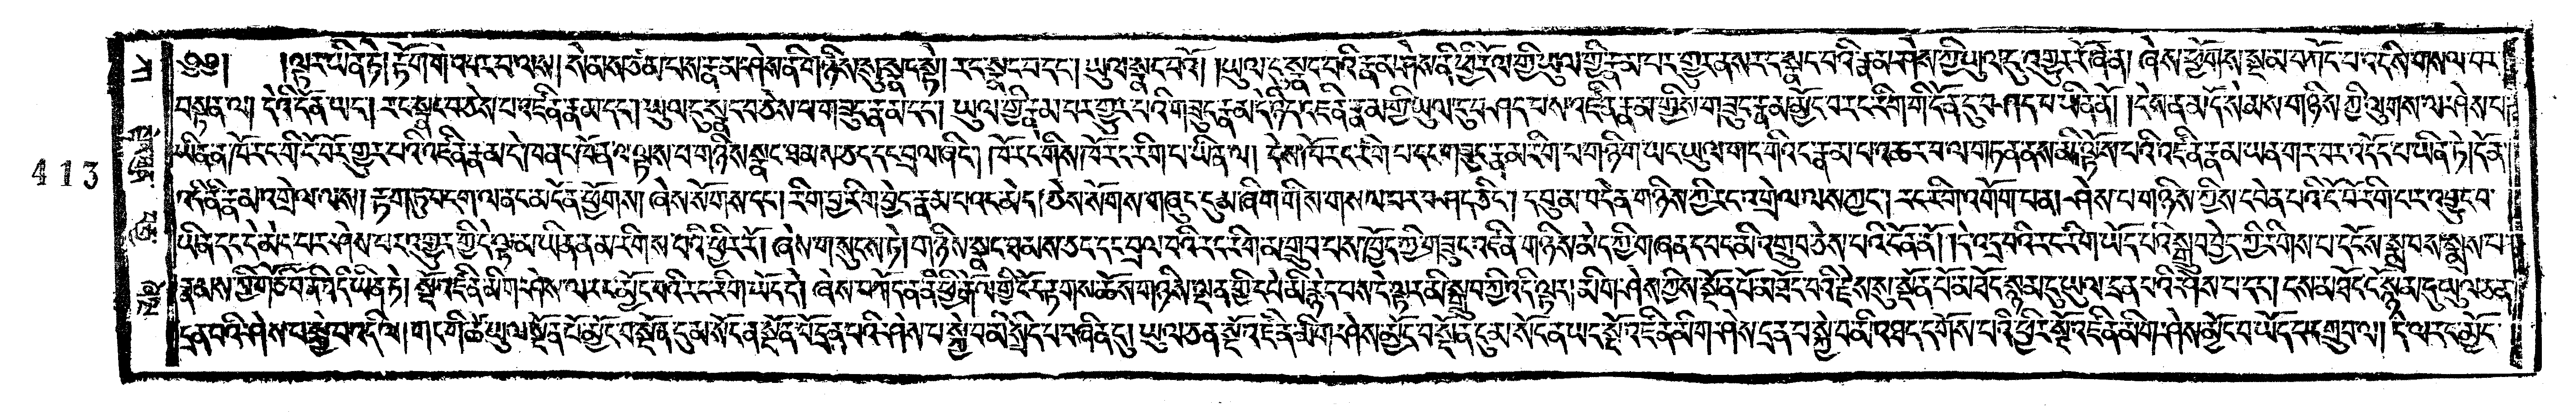༄༅། །ལྟར་ཡིན་ཏེ། རྟོག་གེ་འབར་བ་ལས། སེམས་ཙམ་པས་རྣམ་ཤེས་ནི་གཉིས་སུ་སྣང་བ་སྟེ། རང་སྣང་བ་དང་། ཡུལ་སྣང་བའོ། །ཡུལ་དུ་སྣང་བའི་རྣམ་ཤེས་ནི་ཕྱི་རོལ་གྱི་ཡུལ་གྱི་རྣམ་པར་གྱུར་ནས་རང་སྣང་བའི་རྣམ་ཤེས་ཀྱི་ཡུལ་དུ་འགྱུར་རོ་ཞེ་ན། ཞེས་ཕྱོགས་སྔ་མ་བཀོད་པ་འདིས་གསོལ་བར་
བསྟན་ལ། དེའི་དོན་ཡང་། རང་སྣང་བཅས་པ་འཛིན་རྣམ་དང་། ཡུལ་དུ་སྣང་བ་ཅེས་པ་གཟུང་རྣམ་དང་། ཡུལ་གྱི་རྣམ་པར་གྱུར་པའི་གཟུང་རྣམ་དེ་ཉིད་འཛིན་རྣམ་གྱི་ཡུལ་དུ་བཤད་བས་འཛིན་རྣམ་གྱིས་གཟུང་རྣམ་མྱོང་བ་རང་རིག་གི་དོན་དུ་བཤད་པ་ཡིན་ནོ། །དེས་ན་མོད་སེམས་གཉིས་ཀྱི་ལུགས་ལ་ཤེས་པ་
ཡིན་ན་ཁོ་རང་གི་ངོ་བོར་གྱུར་པའི་འཛིན་རྣམ་དེ་ཁ་ནང་ཁོ་ན་ལ་ལྟས་པ་གཉིས་སྣང་ཐམས་ཅད་དང་བྲལ་ཞིང་། ཁོ་རང་གིས་ཁོ་རང་རིག་པ་ཡིན་ལ། དེས་ཁོ་རང་རིག་པ་དང་གཟུང་རྣམ་རིག་བ་གཉི་ག་ཡང་ཡུལ་གང་གིའང་རྣམ་པ་འཆར་བ་ལ་གཏན་ནས་མི་ལྟོས་པའི་འཛིན་རྣམ་ཡན་གར་བར་འདོད་པ་ཡིན་ཏེ། དོན་
འདི་ནི་རྣམ་འགྲེལ་ལས། རྟག་ཏུ་བདག་ལ་ནང་མངོན་ཕྱོགས། ཞེས་སོགས་དང་། རིག་བྱ་རིག་བྱེད་རྣམ་པའང་མེད། ཅེས་སོགས་གཞུང་དུམ་ཞིག་གིས་གསལ་བར་བཤད་ཅིང་། དབུ་མ་བདེན་གཉིས་ཀྱི་རང་འགྲེལ་ལས་ཀྱང་། རང་རིག་འགོག་པ་ན། ཤེས་པ་གཉིས་ཀྱིས་དབེན་པའི་ངོ་བོ་རིག་པར་འབྱུང་བ་
ཡིན་དང་དེ་མེད་པར་ཤེས་པར་འགྱུར་གྱི་དེ་ལྟ་མ་ཡིན་ན་མ་རིགས་པའི་ཕྱིར་རོ། ཞེས་གསུངས་ཏེ། གཉིས་སྣང་ཐམས་ཅད་དང་བྲལ་བའི་རང་རིག་མ་གྲུབ་པས་ཁྱོད་ཀྱི་གཟུང་འཛིན་གཉིས་མེད་ཀྱི་གཞན་དབང་མི་འགྲུབ་ཅེས་པའི་དོན་ནོ། །དེ་འདྲ་བའི་རང་རིག་ཡོད་པའི་སྒྲུབ་བྱེད་ཀྱི་རིགས་པ་དངོས་སྨྲ་བས་སྨྲས་པ་
རྣམས་ཀྱི་གཙོ་བོ་ནི་འདི་ཡིན་ཏེ། སྔོ་འཛིན་མིག་ཤེས་ལ་རང་མྱོང་བའི་རང་རིག་ཡོད་དེ། ཞེས་བཀོད་ན་ནི་ཕྱི་རྒོལ་གྱི་ངོར་རྟགས་ཆོས་གཉིས་ལྡན་གྱི་དབེ་མི་རྙེད་པས་དེ་ལྟར་མི་སྒྲུབ་ཀྱི་འདི་ལྟར། མིག་ཤེས་ཀྱིས་སྔོན་པོ་མཐོང་བའི་རྗེས་སུ་སྔོན་པོ་མཐོང་སྙམ་དུ་ཡུལ་དྲན་པའི་ཤེས་པ་དང་། ངས་མཐོང་ངོ་སྙམ་དུ་ཡུལ་ཅན་
དྲན་པའི་ཤེས་པ་སྐྱེ་བ་འདི་ལ། གང་གི་ཚེ་ཡུལ་སྔོན་པོ་མྱོང་བ་སྔོན་དུ་མ་སོང་ན་སྔོན་བོ་དྲན་པའི་ཤེས་པ་སྐྱེ་བ་མེ་སྲིད་པ་བཞིན་དུ། ཡུལ་ཅན་སྔོ་འཛིན་མིག་ཤེས་མྱོང་བ་སྔོན་དུམ་སོང་ན་ཡང་སྔོ་འཛིན་མིག་ཤེས་དྲན་བ་སྐྱེ་བ་མི་འཐད་དགོས་པའི་ཕྱིར་སྔོ་འཛིན་མིག་ཤེས་མྱོང་བ་ཡོད་བར་གྲུབ་ལ། དེ་ལ་རང་མྱོང་